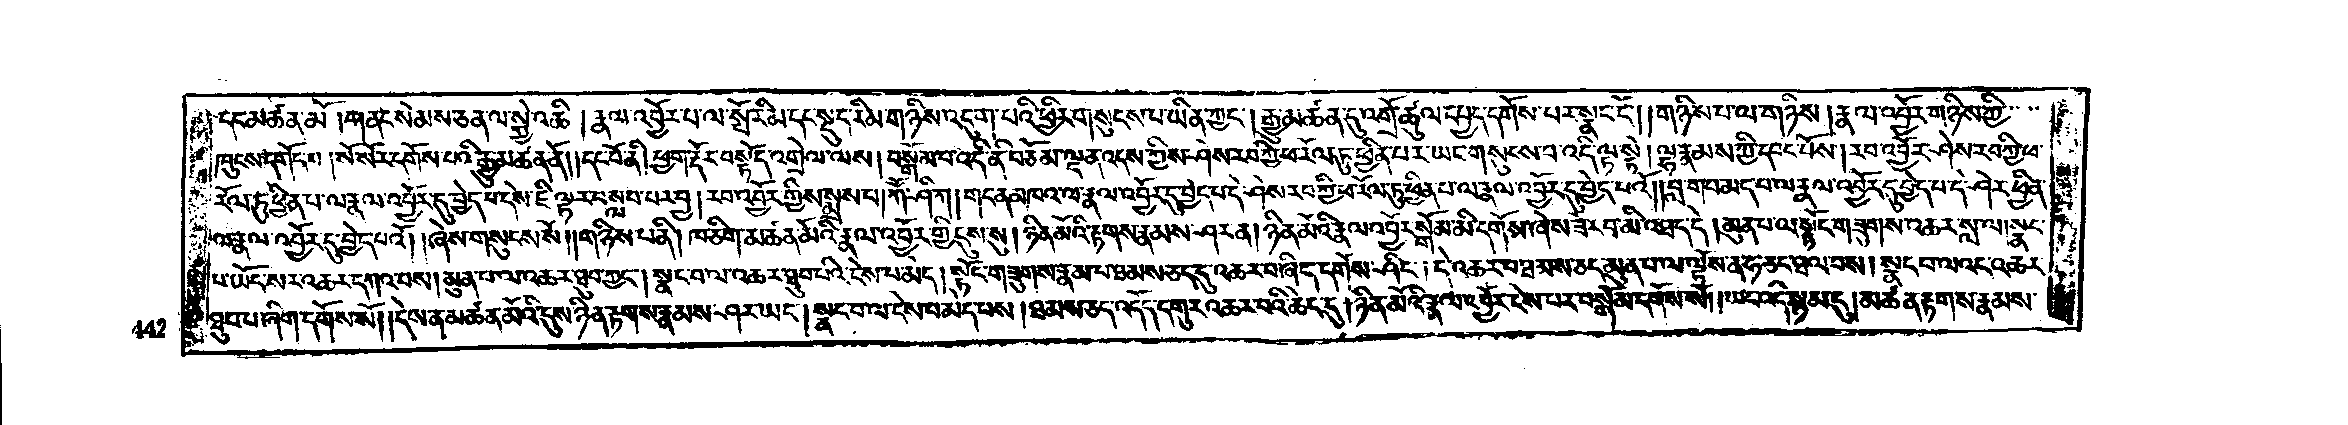དང་མཚན་མོ། གནང་སེམས་ཅན་ལ་སྐྱེ་འཆི། རྣལ་འབྱོར་པ་ལ་སྤོར་མི་དང་སྡུད་རིམ་གཉིས་འདུག་པའི་ཕྱིར་གསུངས་པ་ཡིན་ཀྱང་། རྒྱུ་མཚན་དུ་འགྲོ་ཚུལ་དཔྱད་དགོས་པར་སྣང་ངོ། །གཉིས་པ་ལ་གཉིས། རྣལ་འབྱོར་གཉིས་ཀྱི་
ཁུངས་དགོད་པ། སོ་སོར་དགོས་པའི་རྒྱུ་མཚན་ནོ། །དང་པོ་ནི། ཕྱག་རྡོར་བསྟོད་འགྲེལ་ལས། བསྒོམ་པ་འདི་ནི་བཅོམ་ལྡན་འདས་ཀྱིས་ཤེས་རབ་ཀྱི་ཕ་རོལ་ཏུ་ཕྱིན་པར་ཡང་གསུངས་པ་འདི་ལྟ་སྟེ། ལྷ་རྣམས་ཀྱི་དབང་པོས། རབ་འབྱོར་ཤེས་རབ་ཀྱི་ཕ་
རོལ་ཏུ་ཕྱིན་པ་ལ་རྣལ་འབྱོར་དུ་བྱེད་པ་དེས་ཇི་ལྟར་བསླབ་པར་བྱ། རབ་འབྱོར་གྱིས་སྨྲས་པ། ཀཽ་ཤི་ཀ། གང་ནམ་མཁའ་ལ་རྣལ་འབྱོར་དུ་བྱེད་པ་དེ་ཤེས་རབ་ཀྱི་ཕ་རོལ་ཏུ་ཕྱིན་པ་ལ་རྣལ་འབྱོར་དུ་བྱེད་པའོ། །བླ་གབ་མེད་པ་ལ་རྣལ་འབྱོར་དུ་བྱེད་པ་དེ་ཤེར་ཕྱིན་
ལ་རྣལ་འབྱོར་དུ་བྱེད་པའོ། །ཞེས་གསུངས་སོ། །གཉིས་པ་ནི། ཁ་ཅིག་མཚན་མོའི་རྣལ་འབྱོར་གྱི་དུས་སུ། ཉིན་མོའི་རྟགས་རྣམས་ཤར་ན། ཉིན་མོའི་རྣལ་འབྱོར་སྒོམ་མི་དགོས་ཞེས་ཟེར་བ་མི་འཐད་དེ། མུན་པ་ལ་སྙོང་གཟུགས་འཆར་སླ་ལ། སྣང་
པ་ཡོད་སར་འཆར་དཀའ་བས། མུན་པ་ལ་འཆར་ཐུབ་ཀྱང་། སྣང་བ་ལ་འཆར་ཐུབ་པའི་ངེས་པ་མེད། སྟོང་གཟུགས་རྣམ་པ་ཐམས་ཅད་དུ་འཆར་བ་ཞིག་དགོས་ཤིང་། དེ་འཆར་བ་ཐམས་ཅད་མུན་པ་ལ་ལྟོས་ན་ཧ་ཅང་ཐལ་བས། སྣང་བ་ལའང་འཆར་
ཐུབ་པ་ཞིག་དགོས་སོ། །དེས་ན་མཚན་མོའི་དུས་ཉིན་རྟགས་རྣམས་ཤར་ཡང་། སྣང་བ་ལ་ངེས་པ་མེད་པས། ཐམས་ཅད་འདོད་དགུར་འཆར་བའི་ཆེད་དུ། ཉིན་མོའི་རྣལ་འབྱོར་ངེས་པར་བསྒོམ་དགོས་སོ། །ཡང་འདི་སྙམ་དུ། མཚན་རྟགས་རྣམས་